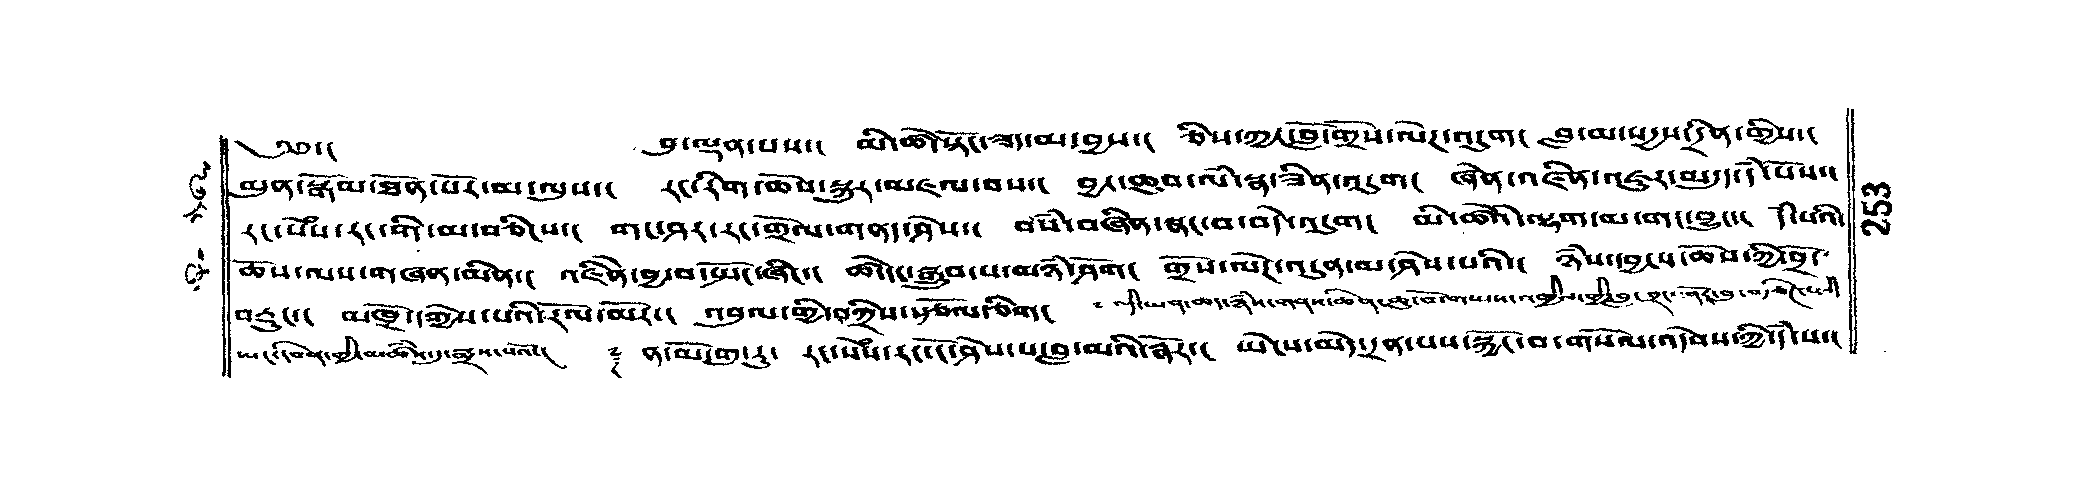བུ་ལྡན་པས། །མི་ཚེ་སྟོང་ཟད་མ་བྱས། །ཅིས་ཀྱང་བློ་གྲོས་ལེགས་འདུག །བླ་མ་སངས་རྒྱས་དྲིན་གྱིས། །
མུན་སྒོམ་འཐོམ་པོར་མ་ལུས། །རང་རིག་ཆོས་སྐུར་མཇལ་བས། །བྱང་ཆུབ་ལམ་སྣ་ཟིན་འདུག །ཞེན་འཛིན་འཇུར་མདུད་དམ་པོས། །
རང་སེམས་རང་གི་མ་བཅིངས། །གང་ཤར་རང་གྲོལ་གནད་ཤེས། །བསམ་བཞིན་སྣང་བ་བདེ་འདུག །མི་ཚེའི་ལྷག་མ་གང་བྱུང་། །དམ་པའི་
ཆོས་ལས་གཞན་མིན། །འཇིག་རྟེན་བྱ་བ་སྤོང་ཞིང་། །ཚེ་དང་སྒྲུབ་པ་མཉམ་ཤོག །གྲོས་ལེགས་འདུན་མ་ཤེས་པའི། །ཉམས་དབྱངས་ཆོས་ཀྱི་བྲོ་
བརྡུང་། །མཁའ་འགྲོ་དགྱེས་པའི་རོལ་མོར། འབུལ་གྱི་བཀྲ་ཤིས་སྩོལ་ཅིག། འདི་ཡན་ཆད་ཉམས་གནས་ཆེན་ཆུ་བོ་གཡས་འཁྱིལ་གྱི་བླ་བྲང་ནོར་བུ་བརྩེགས་པའི་
ཡང་དབེན་གྱི་མཚམས་དུ་སྨྲས་པའོ།། ༈ ན་མོ་གུ་རུ། རང་སེམས་རང་ངོ་ཤེས་པ་བླ་མ་ཡི་རྣལ་འབྱོར། །ཡེངས་མེད་དྲན་པས་སྐྱོང་བ་གསོལ་འདེབས་ཀྱི་དམ་པ།